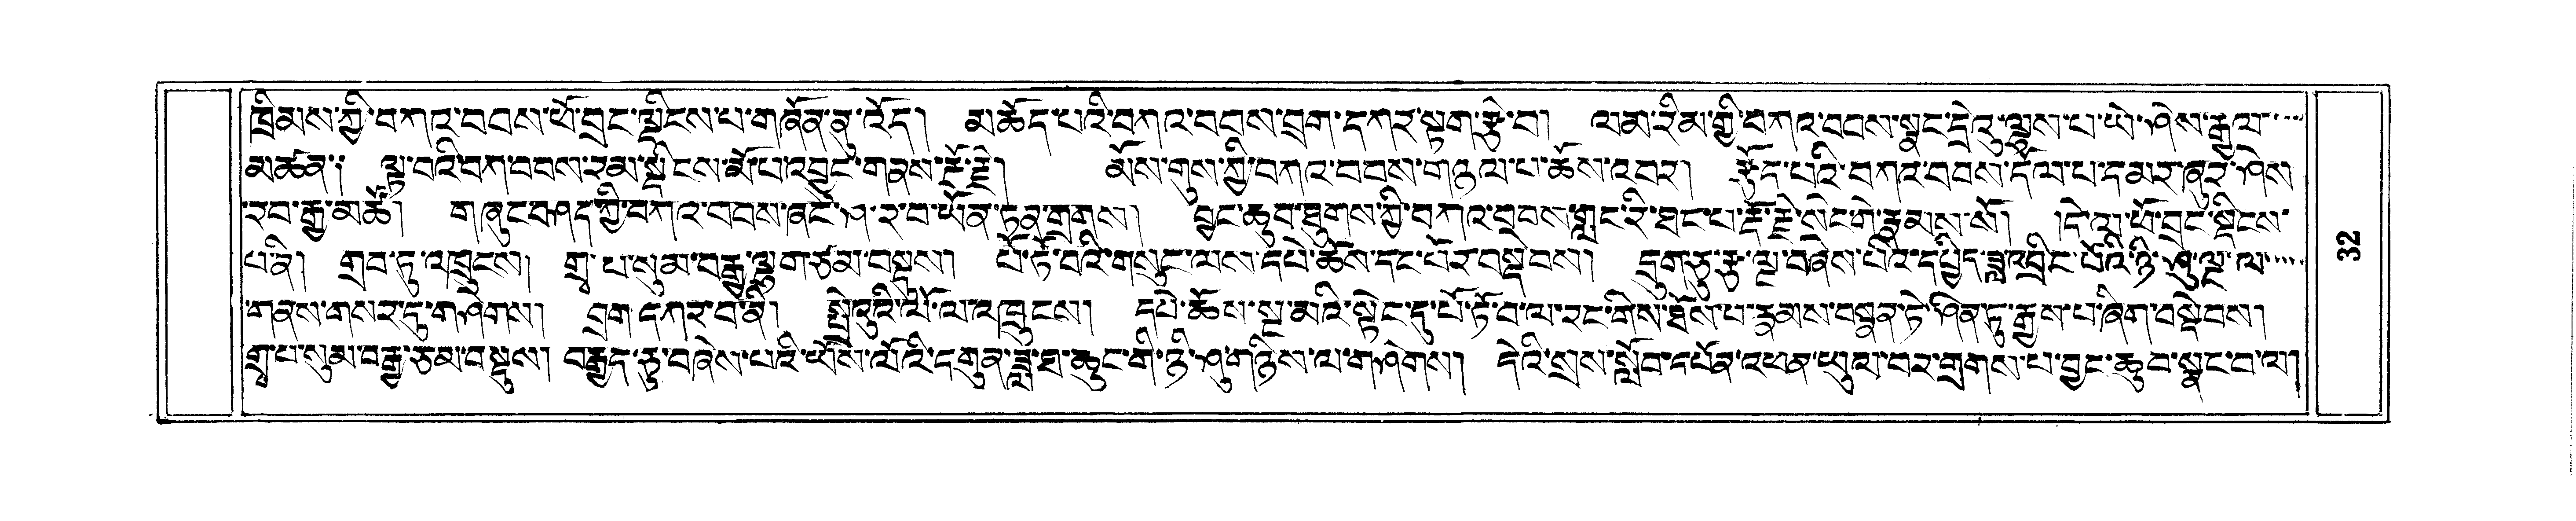ཁྲིམས་ཀྱི་བཀའ་བབས་ཕོ་བྲང་ལྡིངས་པ་གཞོན་ནུ་འོད། མཆོད་པའི་བཀའ་བབས་བྲག་དཀར་སྟག་རྩེ་བ། ལམ་རིམ་གྱི་བཀའ་བབས་སྣང་དྲེའུ་ལྷས་པ་ཡེ་ཤེས་རྒྱལ་
མཚན༑ ལྟ་བའི་བཀ་བབས་རམ་སྡིངས་མོ་པ་འབྱུང་གནས་རྡོ་རྗེ། མོས་གུས་ཀྱི་བཀའ་བབས་གཉལ་པ་ཆོས་འབར། རྩོད་པའི་བཀའ་བབས་དོལ་པ་དམར་ཞུར་ཤེས་
རབ་རྒྱ་མཚོ། གཞུང་བཤད་ཀྱི་བཀའ་བབས་ཞང་ཤ་ར་བ་ཡོན་ཏན་གྲགས། བྱང་ཆུབ་ཐུགས་ཀྱི་བཀའ་བབས་གླང་རི་ཐང་པ་རྡོ་རྗེ་སེང་གེ་རྣམས་སོ། །དེ་ལ་ཕོ་བྲང་སྡིངས་
པ་ནི། གྲབ་ཏུ་འཁྲུངས། གྲྭ་པ་སུམ་བརྒྱ་ལྷག་ཙམ་བསྡུས། པོ་ཏོ་བའི་གསུང་ལས་དཔེ་ཆོས་དང་པོར་བསྡེབས། དྲུག་ཅུ་རྩ་ལྔ་བཞེས་པའི་དཔྱིད་ཟླ་འབྲིང་པོའི་ཉི་ཤུ་ལྔ་ལ་
གནས་གསར་དུ་གཤེགས། བྲག་དཀར་བ་ནི། སྤྲེའུའི་ལོ་ལ་འཁྲུངས། དཔེ་ཆོས་སྔ་མའི་སྟེང་དུ་པོ་ཏོ་བ་ལ་རང་གིས་ཐོས་པ་རྣམས་བསྣན་ཏེ་ཤིན་ཏུ་རྒྱས་པ་ཞིག་བསྡེབས།
གྲྭ་པ་སུམ་བརྒྱ་ཅམ་བསྡུས། བརྒྱད་ཅུ་བཞེས་པའི་ཡོས་ལོའི་དགུན་ཟླ་ཐ་ཆུང་གི་ཉི་ཤུ་གཉིས་ལ་གཤེགས། དེའི་སྲས་སློབ་དཔོན་འཕན་ཡུལ་བར་གྲགས་པ་བྱང་ཆུབ་སྣང་བ་ལ།